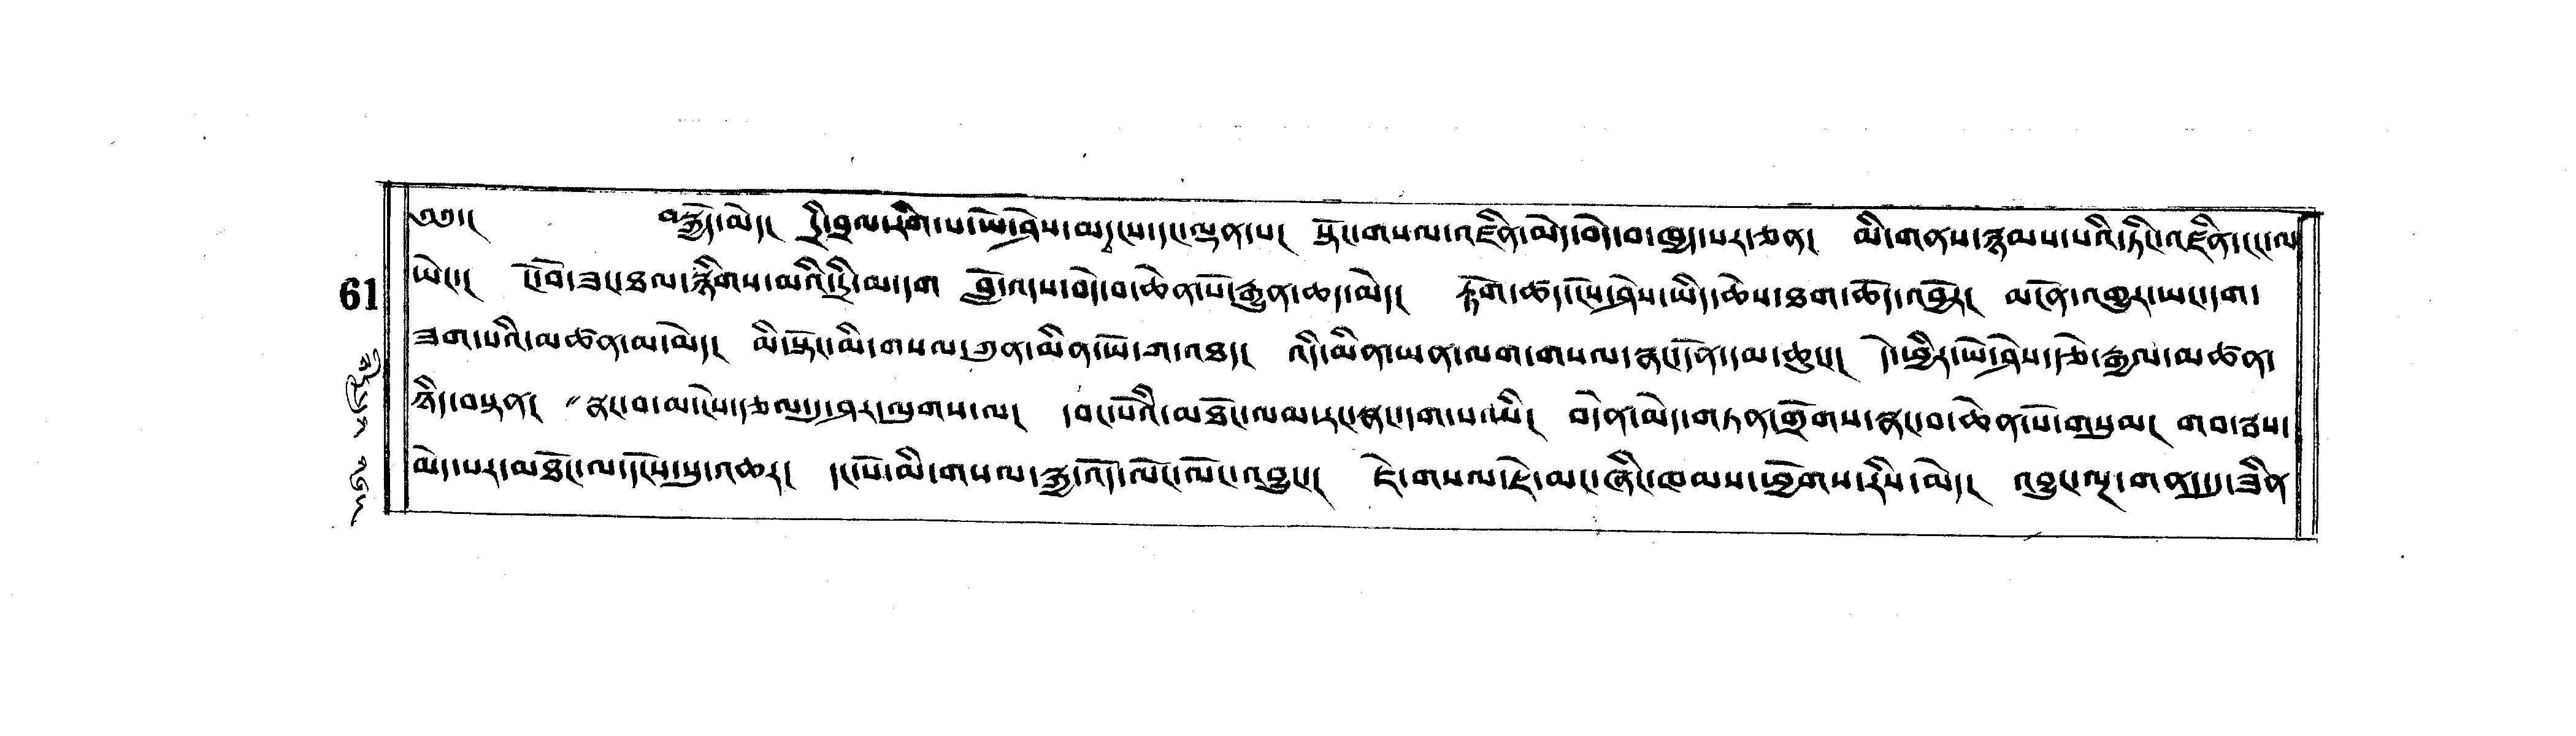བསྐྱོད་མེད། དྲི་བྲལ་རིག་པ་ཡེ་ཤེས་མདངས་དང་ལྡན་པ། སྟོང་གསལ་འཛིན་མེད་བདེ་བ་ཁྱད་པར་ཅན། མི་གནས་སྙམ་པའི་ཏིང་འཛིན་ངང་ལ་
ཡེངས། ངོ་བོ་ཟང་ཐལ་སྙིགས་མའི་དྲི་མ་དག བློ་འདས་བདེ་བ་ཆེན་པོ་རྒྱུན་ཆད་མེད། རྟོག་ཚད་ངེས་ཤེས་ཡིད་ཆེས་ཐག་ཆོད་འབྱོར། མངོན་གྱུར་ཡང་དག་
ཟག་པའི་མཚན་མ་མེད། མི་སྟོང་མི་གསལ་ཀུན་མིན་ཡོ་ག་འཐད། འདི་མིན་ཡན་ལག་གསལ་སྣང་དོན་དམ་ཆུང་། དེ་ཕྱིར་ཡེ་ཤེས་རྩེ་རྒྱལ་མཚན་
ཉིད་བསྟན། ༧ སྣང་བ་མ་ངེས་རྩལ་དུ་ཤར་ལུགས་ལ། དབང་པོའི་མཐོང་ལམ་རང་སྣང་དག་པ་ཡི། བདེན་མེད་གཏན་གྲོགས་སྣང་བ་ཆེན་པོ་གསུམ། གབ་སྦས་
མེད་པར་མཐོང་ལ་དངོས་སུ་འཆར། དང་པོ་མི་གསལ་སྐྱ་འོད་ལོང་ལོང་འབྱུང་། ཇེ་གསལ་ཇེ་མང་ཞིང་ཁམས་ཕྱོགས་རིས་མེད། འབྱུང་ལྔ་གནད་དུ་ཟིན་